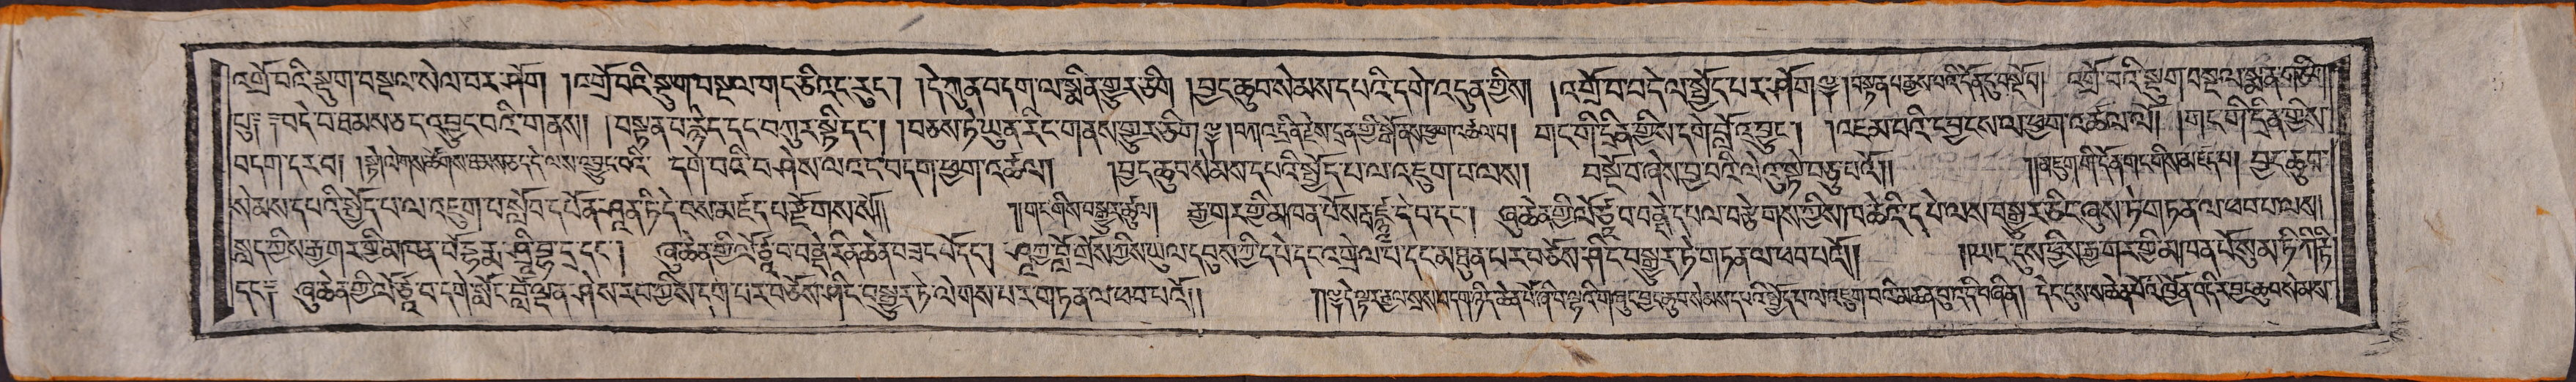འགྲོ་བའི་སྡུག་བསྔལ་སེལ་བར་ཤོག །འགྲོ་བའི་སྡུག་བསྔལ་གང་ཅིའང་རུང་། །དེ་ཀུན་བདག་ལ་སྨིན་གྱུར་ཅིག །བྱང་ཆུབ་སེམས་དཔའི་དགེ་འདུན་གྱིས། །འགྲོ་བ་བདེ་ལ་སྤྱོད་པར་ཤོག ༈ །བསྟན་པ་རྒྱས་པའི་དོན་དུ་བསྔོ་བ།  འགྲོ་བའི་སྡུག་བསྔལ་སྨན་གཅིག་
པུ༑ །བདེ་བ་ཐམས་ཅད་འབྱུང་བའི་གནས། །བསྟན་བརྙེད་དང་བཀུར་སྟི་དང་། །བཅས་ཏེ་ཡུན་རིང་གནས་གྱུར་ཅིག་།བཀའ་དྲིན་རྗེས་དྲན་གྱི་སྒོ་ནས་ཕྱག་འཚལ་པ།  གང་གི་དྲིན་གྱིས་དགེ་བློ་འབྱུང་། །འཇམ་པའི་དབྱངས་ལ་ཕྱག་འཚལ་ལོ། །གང་གི་དྲིན་གྱིས་
བདག་དར་བ། །སྟེ། ལེགས་ཚོགས་ཐམས་ཅད་དེ་ལས་འབྱུང་པའི་དགེ་བའི་བཤེས་ལའང་བདག་ཕྱག་འཚལ། །བྱང་ཆུབ་སེམས་དཔའི་སྤྱོད་པ་ལ་འཇུག་པ་ལས། བསྔོ་བ་ཞེས་བྱ་བའི་ལེའུ་སྟེ་བཅུ་པའོ།། །།མཇུག་གི་དོན་གང་གིས་མཛད་བ།  བྱང་ཆུབ་
སེམས་དཔའི་སྤྱོད་པ་ལ་འཇུག་པ་སློབ་དཔོན་ཤཱནྟ་དེ་བས་མཛད་པ་རྫོགས་སོ།། །།གང་གིས་བསྒྱུར་ཚུལ།  རྒྱ་གར་གྱི་མཁན་པོས་སརྦཛྙཱ་དེ་བ་དང་། ཞུ་ཆེན་གྱི་ལོ་ཙཱ་བ་བནྡེ་དཔལ་བརྩེགས་ཀྱིས་ཁ་ཆེའི་དཔེ་ལས་བསྒྱུར་ཅིང་ཞུས་ཏེ་གཏན་ལ་ཕབ་པ་ལས་
སླད་ཀྱིས་རྒྱ་གར་གྱི་མཁན་པོ་དྷརྨ་ཤྲཱི་བྷ་དྲ་དང་། ཞུ་ཆེན་གྱི་ལོཙཱ་བ་བནྡེ་རིན་ཆེན་བཟང་པོ་དང་། ཤཱཀྱ་བློ་གྲོས་ཀྱིས་ཡུལ་དབུས་ཀྱི་དཔེ་དང་འགྲེལ་པ་དང་མཐུན་པར་བཅོས་ཤིང་བསྒྱུར་ཏེ་གཏན་ལ་ཕབ་པའོ།། །།ཡང་དུས་ཕྱིས་རྒྱ་གར་གྱི་མཁན་པོ་སུམ་ཏི་གི་རྟི་
དང་། ཞུ་ཆེན་གྱི་ལོ་ཙཱ་བ་དགེ་སློང་བློ་ལྡན་ཤེས་རབ་ཀྱིས་དག་པར་བཅོས་ཤིང་བསྒྱུར་ཏེ་ལེགས་པར་གཏན་ལ་ཕབ་པའོ།། །ཁྱེ་དེ་ལྟར་རྒྱལ་སྲས་བདག་ཉིད་ཆེན་པོ་ཞིབ་ལྷའི་གཞུང་བྱང་ཆུབ་སེམས་དཔའི་སྤྱོད་པ་ལ་འཇུག་པའི་མཆན་བུ་འདི་བཞིན། དེང་དུས་ས་ཆེན་པོའི་ཁྱོན་འདིར་བྱང་ཆུབ་སེམས་